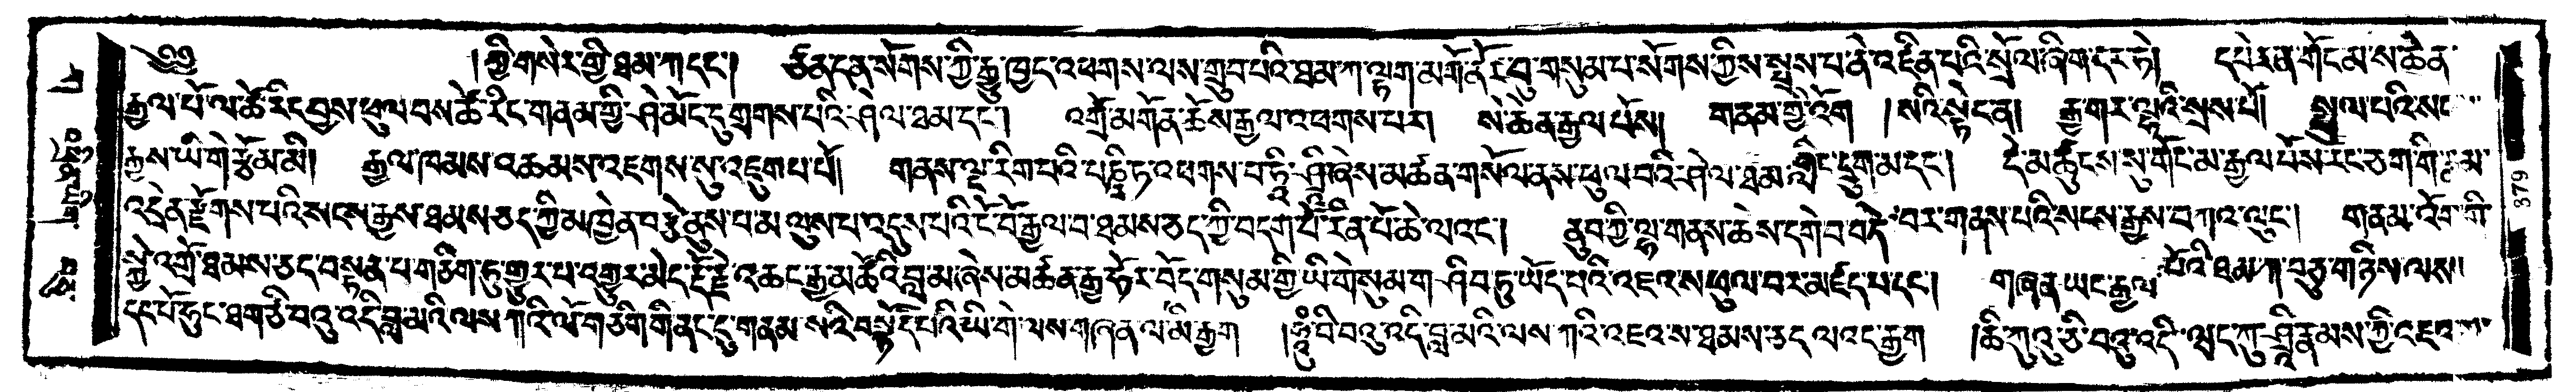༄༅། །ཀྱི་གསེར་གྱི་ཐམ་ཀ་དང་། ཙན་དན་སོགས་ཀྱི་རྒྱུ་ཁྱད་འཕགས་ལས་གྲུབ་པའི་ཐམ་ཀ་ལྟ་མགོ་ནོར་བུ་གསུམ་པ་སོགས་ཀྱིས་སྤྲས་པ་ནི་འཛིན་པའི་སྲོལ་ཞིག་དར་ཏེ། དཔེར་ན་གོང་མས་ཆེན་
རྒྱལ་པོ་ལ་ཚེ་རིང་བྱས་ཕུལ་བས་ཚེ་རིང་གནམ་གྱི་ཤེ་མོང་དུ་གྲགས་པའི་ཤེལ་ཐམ་དང་། འགྲོ་མགོན་ཆོས་རྒྱལ་འཕགས་པར། སེ་ཆེན་རྒྱལ་པོས། གནམ་གྱི་འོག །སའི་སྟེང་ན། རྒྱ་གར་ལྷའི་སྲས་པོ། སྤྲུལ་བའི་སང་
རྒྱས་ཡི་གེ་རྩོམ་མི། རྒྱལ་ཁམས་འཆམས་འཇགས་སུ་འཇུག་པ་པོ། གནས་ལྔ་རིག་པའི་པཎྜི་ཏ་འཕགས་པ་ཏཱི་ཤྲཱི་ཞེས་མཚན་གསོལ་ནས་ཕུལ་བའི་ཤེལ་ཐམ་གླང་དྲུག་མ་དང་། དེ་མཚུངས་སུ་གོང་མ་རྒྱལ་པོས་རང་ཅག་གི་རྣམ་
འདྲེན་རྫོགས་པའི་སངས་རྒྱས་ཐམས་ཅད་ཀྱི་འཁྱེན་བརྩེ་ནུས་པ་མ་ལུས་པ་འདུས་པའི་ངོ་བོ་རྒྱལ་བ་ཐམས་ཅད་ཀྱི་བདག་པོ་རིན་པོ་ཆེ་ལའང་། ནུབ་ཀྱི་ལྷ་གནས་ཆེས་དགེ་བ་བདེ་བར་གནས་པའི་སངས་རྒྱས་བཀའ་ལུང་། གནམ་འོག་གི་
སྐྱེ་འགོར་ཐམས་ཅད་བསྟན་པ་གཅིག་ཏུ་གྱུར་པ་འགྱུར་མེད་རྡོ་རྗེ་འཆང་རྒྱ་མཚོའི་བླ་མ་ཞེས་མཚན་རྒྱ་ཧོར་བོད་གསུམ་གྱི་ཡི་གེ་སུམ་གཤིབ་ཏུ་ཡོད་པའི་འཇའ་ས་ཕུལ་བར་མཛད་པ་དང་། གཞན་ཡང་རྒྱལ་པོའི་ཐམ་ཀ་བཅུ་གཉིས་ལས།
དང་པོ་ཧུང་ཐག་ཅི་བའུ་འདི་བླ་མའི་ལས་ཀའི་ལོ་གཅིག་གི་ནང་དུ་གནམ་སའི་བསྟོད་པའི་ཡེ་གེ་ལས་གཞན་ལམ་རྒྱག །ཧཱུཾ་བི་བའུ་འདི་བླ་མའི་ལས་ཀའི་འཇའ་ས་ཐམས་ཅད་ལའང་རྒྱག །ཆི་ཀུའི་ཅི་བའུ་འདི་ཝང་ཀུ་ཤྲཱི་རྣམས་ཀྱི་འཇའ་?